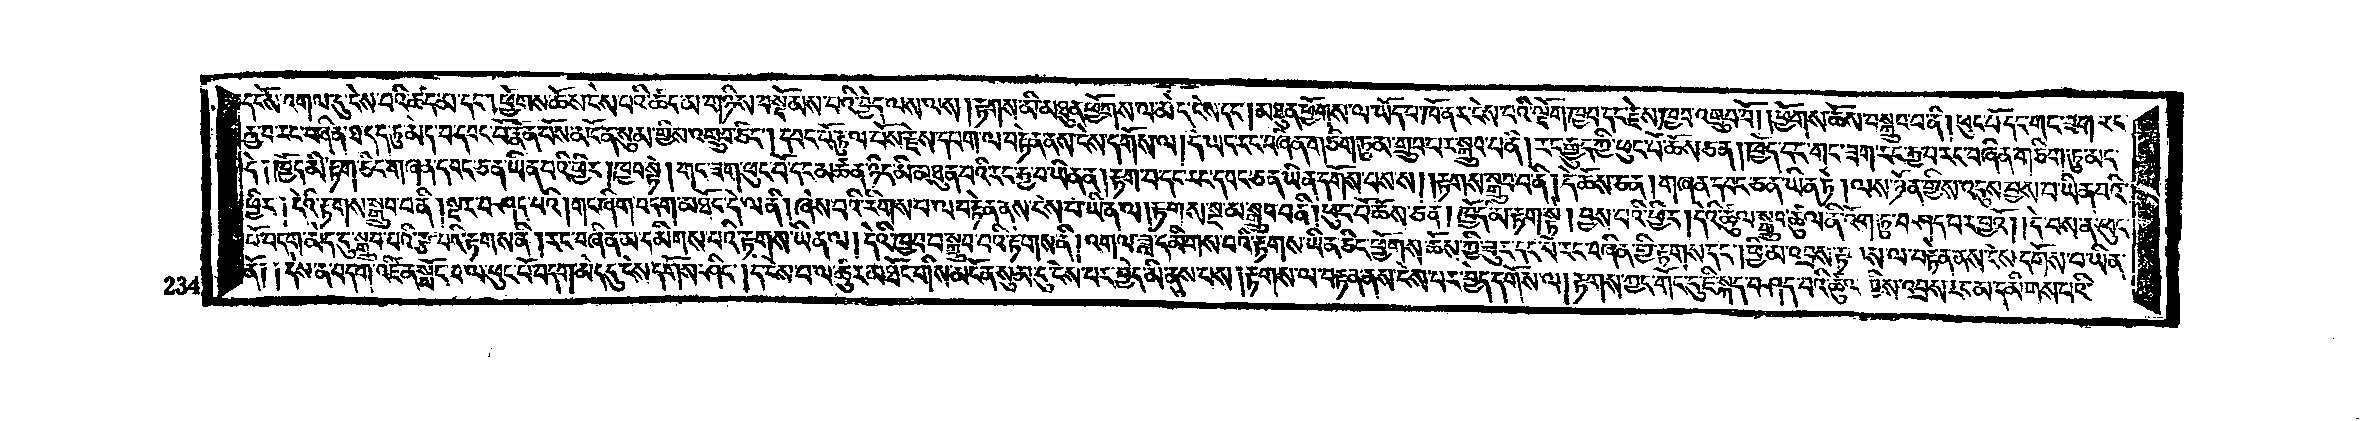དངོས་འགལ་དུ་ངེས་པའི་ཆད་མ་དང་། ཕྱོགས་ཆོས་ངེས་པའི་ཚད་མ་གཉིས་བསྡོམས་པའི་བྱེད་ལས་ལས། རྟགས་མི་མཐུན་ཕྱོགས་ལ་མེད་ངེས་དང་། མཐུན་ཕྱོགས་ལ་ཡོད་པ་ཁོ་ནར་ངེས་པའི་ལྡོག་ཁྱབ་དང་རྗེས་ཁྱབ་འགྲུབ་བོ། །ཕྱོགས་ཆོས་བསྒྲུབ་པ་ནི། ཕུང་པོ་དང་གང་ཟག་རང་
རྐྱ་བ་རང་བཞིན་ཐ་དད་ཏུ་མེད་པ་དབང་པོ་རྣོན་པོས་མངོན་སུམ་གྱིས་འགྲུབ་ཅིང་། དབང་པོ་རྟུལ་པོས་རྗེས་དཔག་ལ་བརྟེན་ནས་ངེས་དགོས་ལ། དེ་ཡང་རང་བཞིན་གཅིག་ཏུ་མ་གྲུབ་པར་སྒྲུབ་པ་ནི། རང་རྒྱུད་ཀྱི་ཕུང་པོ་ཆོས་ཅན། ཁྱོད་དང་གང་ཟག་རང་རྐྱ་བ་རང་བཞིན་གཅིག་ཏུ་མེད་
དེ། ཁྱོད་མི་རྟོག་ཅིང་གཞན་དབང་ཅན་ཡིན་པའི་ཕྱིར། ཁྱབ་སྟེ། གང་ཟག་ཕུང་པོ་དང་མཚན་ཉིད་མི་མཐུན་པའི་རང་རྐྱ་བ་ཡིན་ན། རྟག་པ་དང་རང་དབང་ཅན་ཡིན་དགོས་པས་སོ། །རྟགས་སྒྲུབ་པ་ནི། དེ་ཆོས་ཅན། གཞན་དབང་ཅན་ཡིན་ཏེ། ལས་ཉོན་གྱིས་འདུས་བྱས་པ་ཡིན་པའི་
ཕྱིར། དེའི་རྟགས་སྒྲུབ་པ་ནི། སྔར་བཤད་པའི། གང་ཞིག་བདག་མཐོང་དེ་ལ་ནི། ཞེས་པའི་རིགས་པ་ལ་བརྟེན་ནས་ངེས་པ་ཡིན་ལ། རྟགས་སྔ་མ་སྒྲུབ་པ་ནི། ཕུང་པོ་ཆོས་ཅན། ཁྱོད་མི་རྟག་སྟེ། བྱས་པའི་ཕྱིར། དེའི་ཚུལ་སྒྲུབ་ཚུལ་ནི་འོག་ཏུ་བཤད་པར་བྱའོ། །དེ་བས་ན་ཕུང་
པོ་བདག་མེད་དུ་སྒྲུབ་པའི་རྩ་བའི་རྟགས་ནི། རང་བཞིན་མ་དམིགས་པའི་རྟགས་ཡིན་ལ། དེའི་ཁྱབ་པ་སྒྲུབ་པའི་རྟགས་ནི། འགལ་ཟླ་དམིགས་པའི་རྟགས་ཡིན་ཅིང་ཕྱོགས་ཆོས་ཀྱི་ཟུར་དང་པོ་རང་བཞིན་གྱི་རྟགས་དང་། ཕྱི་མ་འབྲས་རྟགས་ལ་བརྟེན་ནས་ངེས་དགོས་པ་ཡིན་
ནོ། །དེས་ན་བདག་འཛིན་སྤོང་པ་ལ་ཕུང་པོ་བདག་མེད་དུ་ངེས་དགོས་ཤིང་། དེ་ངེས་པ་ལ་ཚུར་མཐོང་གིས་མངོན་སུམ་དུ་ངེས་པར་བྱེད་མི་ནུས་པས། རྟགས་ལ་བརྟན་ནས་ངེས་པར་བྱེད་དགོས་ལ། རྟགས་ཀྱང་གོང་དུ་ཇི་སྐད་བཤད་པའི་ཚུལ་གྱིས་འབྲས་རང་མ་དམིགས་པའི་